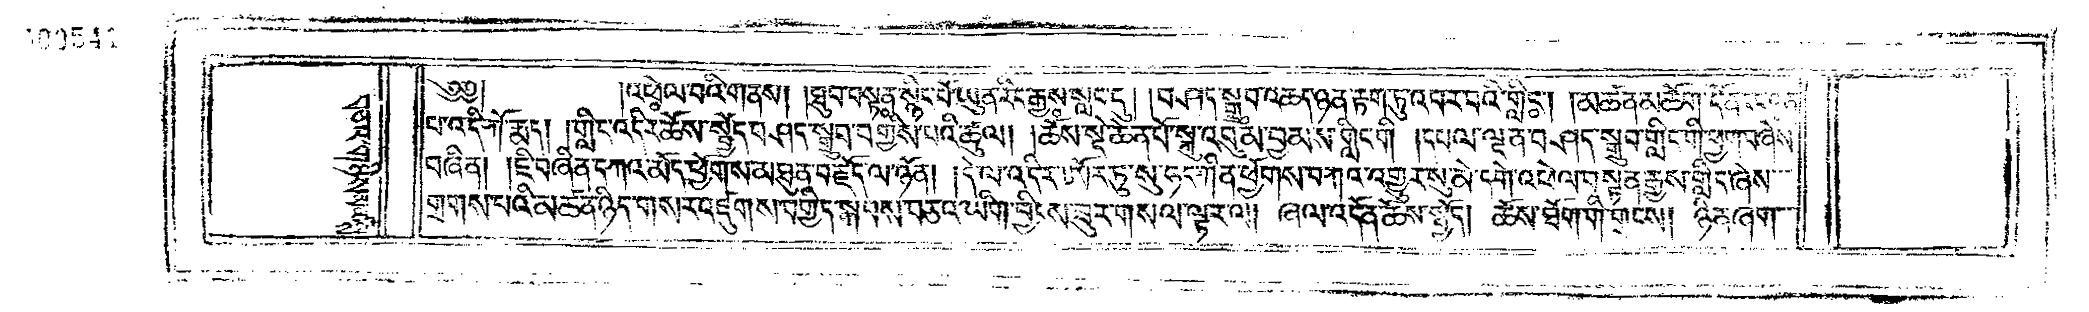༄༅། །འཕེལ྾་བའི་གནས། །ཐུབ་བསྟན྾་སྙིང་པོ་ཡུན་རིང་རྒྱས྾་སླང་དུ། །བཤད་སྒྲུབ་འཆད་ཉན་རྟག་ཏུ་འབར་བའི་གླིང྾། །མཚན་མཆོག་དོན་དང་ལྡན་
པ་འདི་ཀོ་རྨད། །གླིང་འདིར་ཆོས་སྤྱོད་བཤད་སྒྲུབ་བགྱིས་པའི་ཚུལ། །ཆོས་སྡེ་ཆེན་པོ་སྐུ་འབུམ་བྱམས་གླིང་གི །དཔལ་ལྡན་བཤད་སྒྲུབ་གླིང་གི་ཕྱག་བཞེས་
བཞིན། །ཇི་བཞིན་དཀའ་མོད་ཕྱོགས་མཐུན་བརྗོད་ལ་ཉོན། །དེ་ལ་འདིར་ཨོར་ཏུ་སུ་ཧང་ཀིན་ཕྱོགས་བཀའ་འགྱུར་སུ་མེ་དགེ་འཕེལ་བསྟན་རྒྱས་གླིང་ཞེས་
གྲགས་པའི་མཚན་ཉིད་གསར་འཛུགས་བགྱིད་སྐབས་བཅའ་ཡིག་བྱིངས་ཟུར་གསལ་ལྟར་ལ། ཞལ་འདོན་ཆོས་སྤྱོད། ཆོས་ཐོག་གི་གྲངས། ཉིན་ཞག་